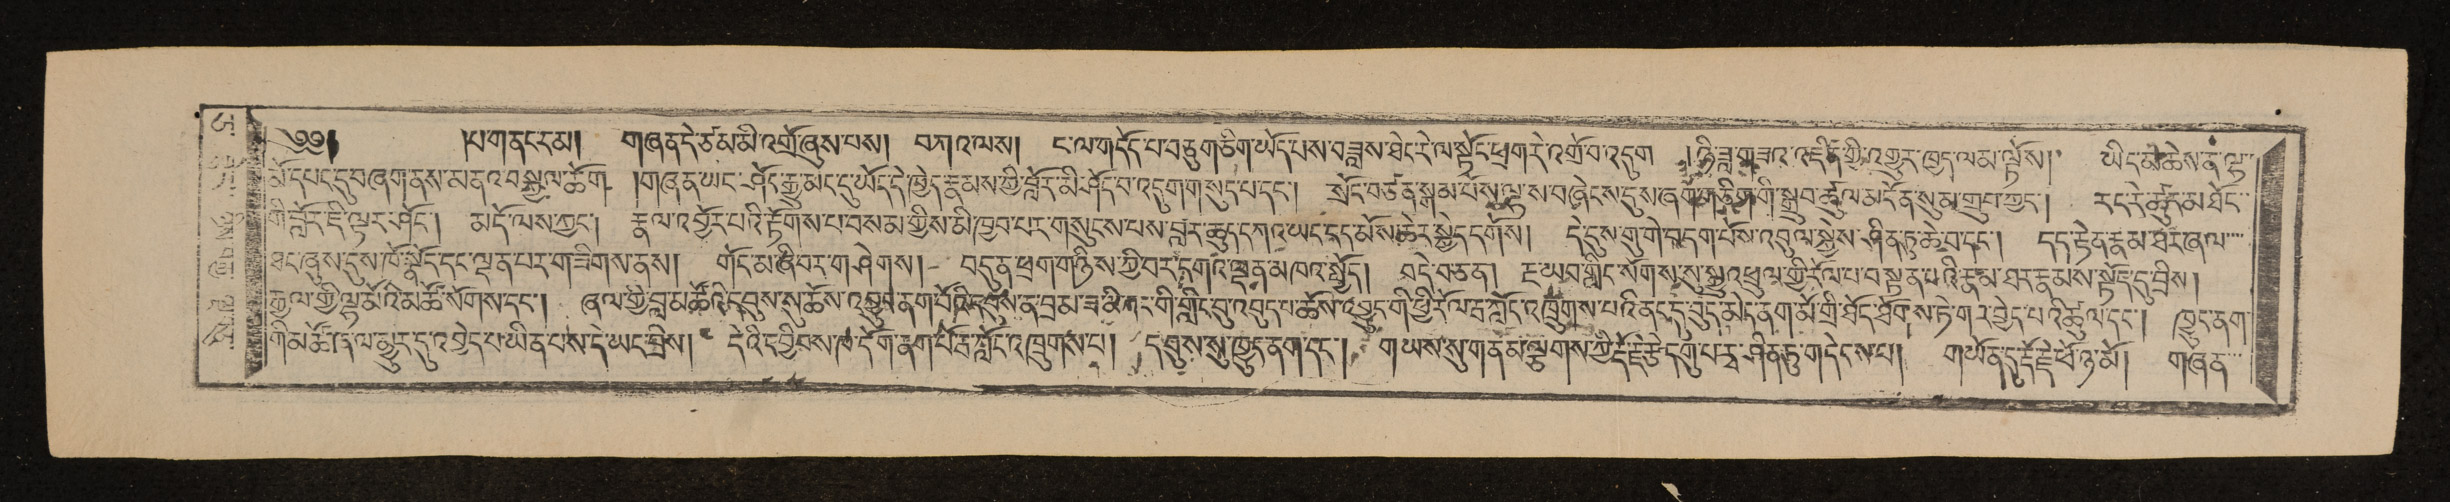༄༅། །པ་གནང་ངམ། གཞན་དེ་ཙམ་མི་འགྲོ་ཞུས་པས། བཀའ་ལས། ང་ལ་གདོང་བ་བཅུ་གཅིག་ཡོད་པས་བཟླས་ཐེང་རེལ་སྟོང་ཕྲག་རེལ་སྟོང་ཕྲག་རེ་འགྲོ་བ་འདུག །ཉི་ཟླ་གཟའ་འཛིན་གྱི་འགྱུར་ཁྱད་ལམ་ལྟོས། ཡི་དམ་ཆེས་ན་ལྷ་
མོ་དབང་དུ་བཞག་ནས་མནའ་བསྐྱལ་ཆོག །གཞན་ཡང་ཤོད་རྒྱུ་མང་དུ་ཡོད་དེ་ཁྱེད་རྣམས་ཀྱི་བློར་མི་ཤོང་བ་འདུག་གསུང་བ་དང་། སྲོང་བཙན་སྒམ་པོས་ལྷས་བཞེངས་དུས་ཞག་གཅིག་གི་སྒྲུབ་ཚུལ་མངོན་སུམ་གྲུབ་ཀྱང་། རང་རེ་ཚུར་མཐོང་
གི་བློར་ཇི་ལྟར་ཤོང་། མདོ་ལས་ཀྱང་། རྣལ་འབྱོར་བའི་རྟོགས་བ་བསམ་གྱིས་མི་ཁྱབ་པར་གསུངས་པས་བློར་ཆུད་དཀའ་ཡང་དད་མོས་ཆེར་སྐྱེད་དགོས། དེ་དུས་གུ་གེ་བདག་པོས་འབུལ་སྐྱེས་ཤིན་ཏུ་ཆེ་བ་དང་། ངད་རྟེན་རྣམ་ཐར་ཞལ་
ཐང་ཞུས་དུས་ཁོ་སྣོད་དང་ལྡན་པར་གཟིགས་ནས། གོང་མ་ཞི་བར་གཤེགས། བདུན་ཕྲག་གཉིས་ཀྱི་བར་དགའ་ལྡན་མཁའ་སྤྱོད། བདེ་བ་ཅན། རྔ་ཡབ་གླིང་སོགས་སུ་སྒྱུ་འཕྲུལ་གྱི་རོལ་བ་བསྟན་པའི་རྣམ་ཐར་རྣམས་སྟོད་དུ་བྲིས།
རྒྱལ་གྱི་ལྷ་མོའི་མཚོ་སོགས་དང་། ཞལ་གྱི་བླ་མཚོའི་དབུས་སུ་ཆོས་འབྱུང་ནག་པོའི་དབུས་ན་བྲམ་ཟེ་མི་རྐང་གི་གླིང་བུ་འབུད་པ་ཆོས་འབྱུང་གི་ཕྱི་རོལ་རྦ་ཀློང་འཁྲུགས་པའི་ནང་དུ་བུད་མེད་ནག་མོ་གྲི་ཐོད་ཐོགས་ཏེ་གར་བྱེད་པའི་ཚུལ་དང་། ཁྱུང་ནག་
གི་མཚོ་ཞལ་མྱུར་དུ་འབྱེད་པ་ཡིན་པས་དེ་ཡང་བྲིས། དེའི་དབྱིབས་ཁ་དོག་ནག་པོ་རྦ་ཀློང་འཁྲུགས་པ། དབུས་སུ་ཁྱུད་ནག་དང་། གཡས་སུ་གནམ་ལྕགས་ཀྱི་རྡོ་རྗེ་རྩེ་དགུ་བ་རྭ་ཤིན་ཏུ་གདེངས་པ། གཡོན་དུ་རྡོ་རྗེ་ཕོ་ཉ་མོ། གཞན་